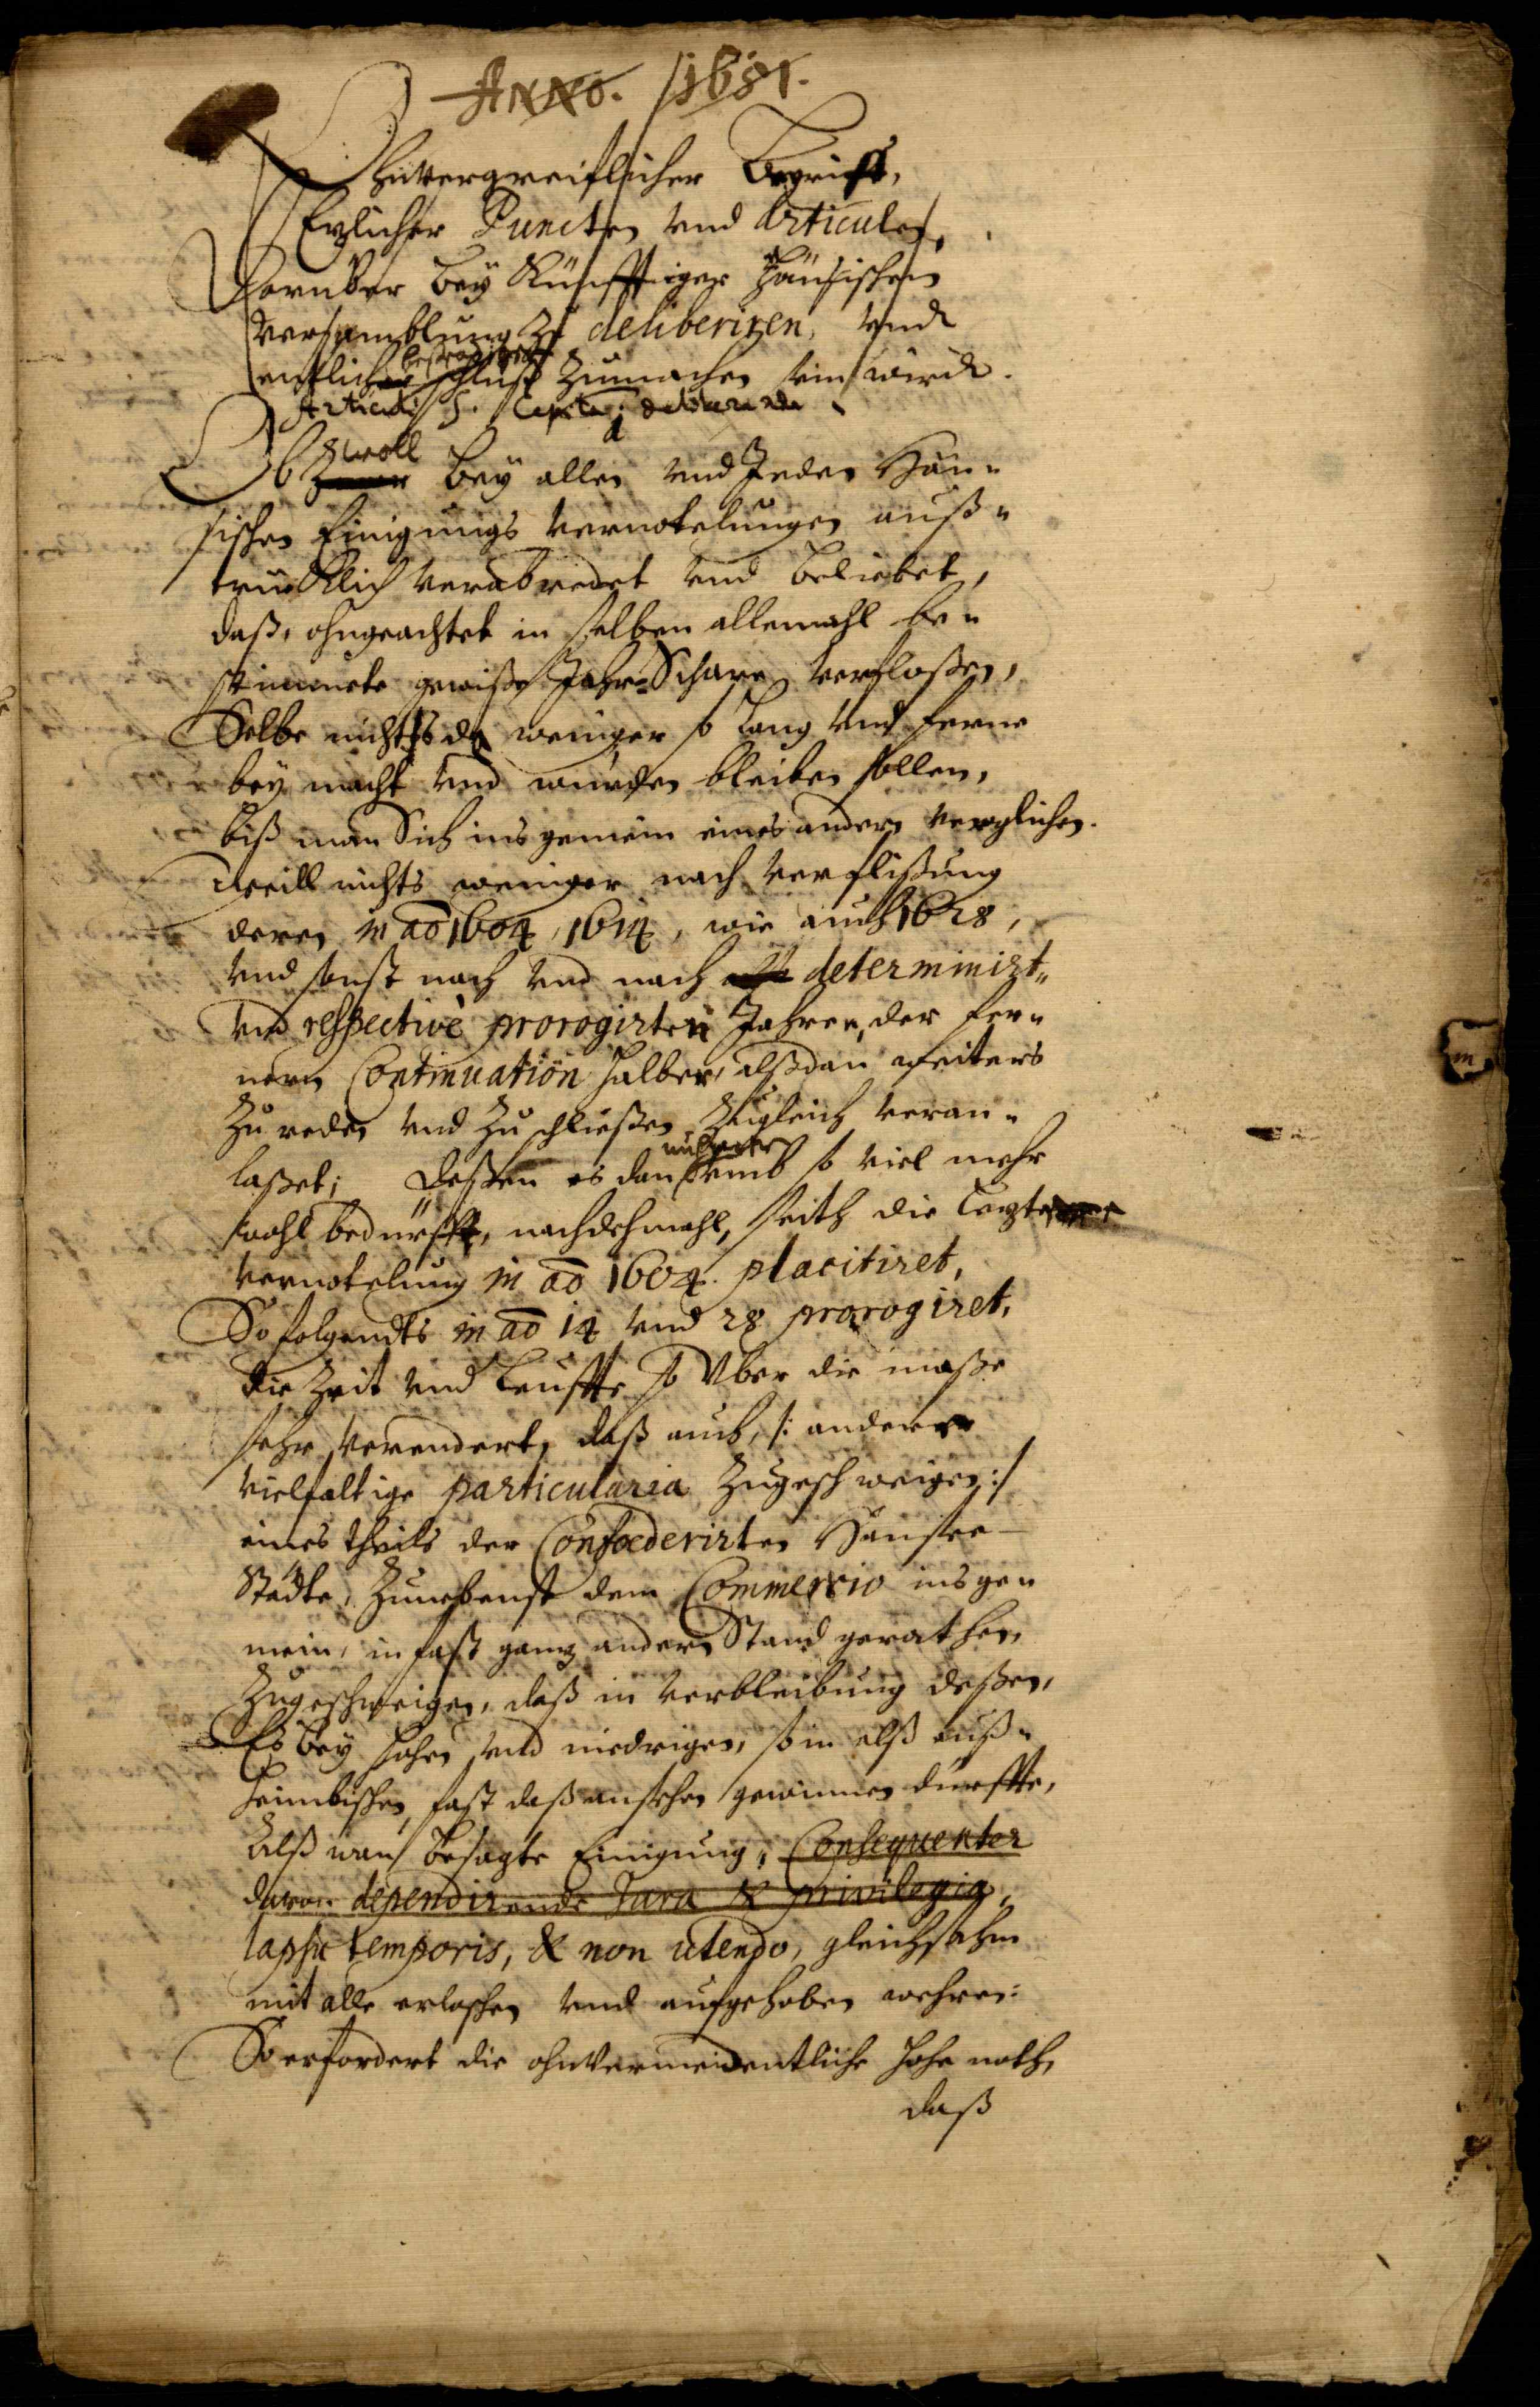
Anno. 1651.
Ohnvergreiflicher Bericht,
Ezlicher Puncten vnd Articulen,
Daruber beij Künfftiger Hänsischen
Versamblung zu deliberiren vndt
entlich bestradiret schluß zumachen sein wirdt
Articulus S. Capitae deliberanda.
1
Ob zwar woll beij allen vnd Jeden Hän¬
sischen Einigungs vernotelungen auß¬
trücklich verabredet vnd beliebet,
daß, ohngeachtet in selben allemahl be¬
stimmete gewiße Jahr-Schare verfloßen,
Selbe nichts da weniger so Lang vnd ferne
beij macht vnd wurden bleiben sollen,
biß man Sich ins gemein eines andern verglichen.
Weill nichts weniger nach verflißung
deren in anno 1604, 1614, wie auch 1628
vnd sonst nach vnd nach also determinirt¬
vnd respective prorogirten Jahren der fer¬
nern Continuation halber alßdan weiters
zu reden vnd zu schließen, Zugleich veran¬
laßet, deßen es dan nichtens vmb so viel mehr
wohl bedürfft, nachdehmahl, seith die leztere
vernotelung in anno 1604. placitiret,
So folgendts in anno 14 vnd 28 prorogiret,
die zeit vnd Leuftte so Vber die maße
sehr verendert, daß auch, /: andere
vielfaltige particularia zugeschweigen :/
eines theils der Confoederirten Hansee
Städte, zunebenst dem Commercio ins ge¬
mein, in fast ganz andern Stand gerathen
zugeschweigen, daß in verbleibung deßen,
Es beij hohen vnd niedrigen, so in alß auß¬
heimbischen, fast deß ansehen gewinnen dürffte,
alß wan besagter Einigung, Consequenter
davon dependirende Jura & privilegia
lapsu temporis, & non utendo, gleichsahm
mit alle erloschen vnd aufgehoben wehren:
So erfordert die ohnvermeidentliche hohe noth,
daß
